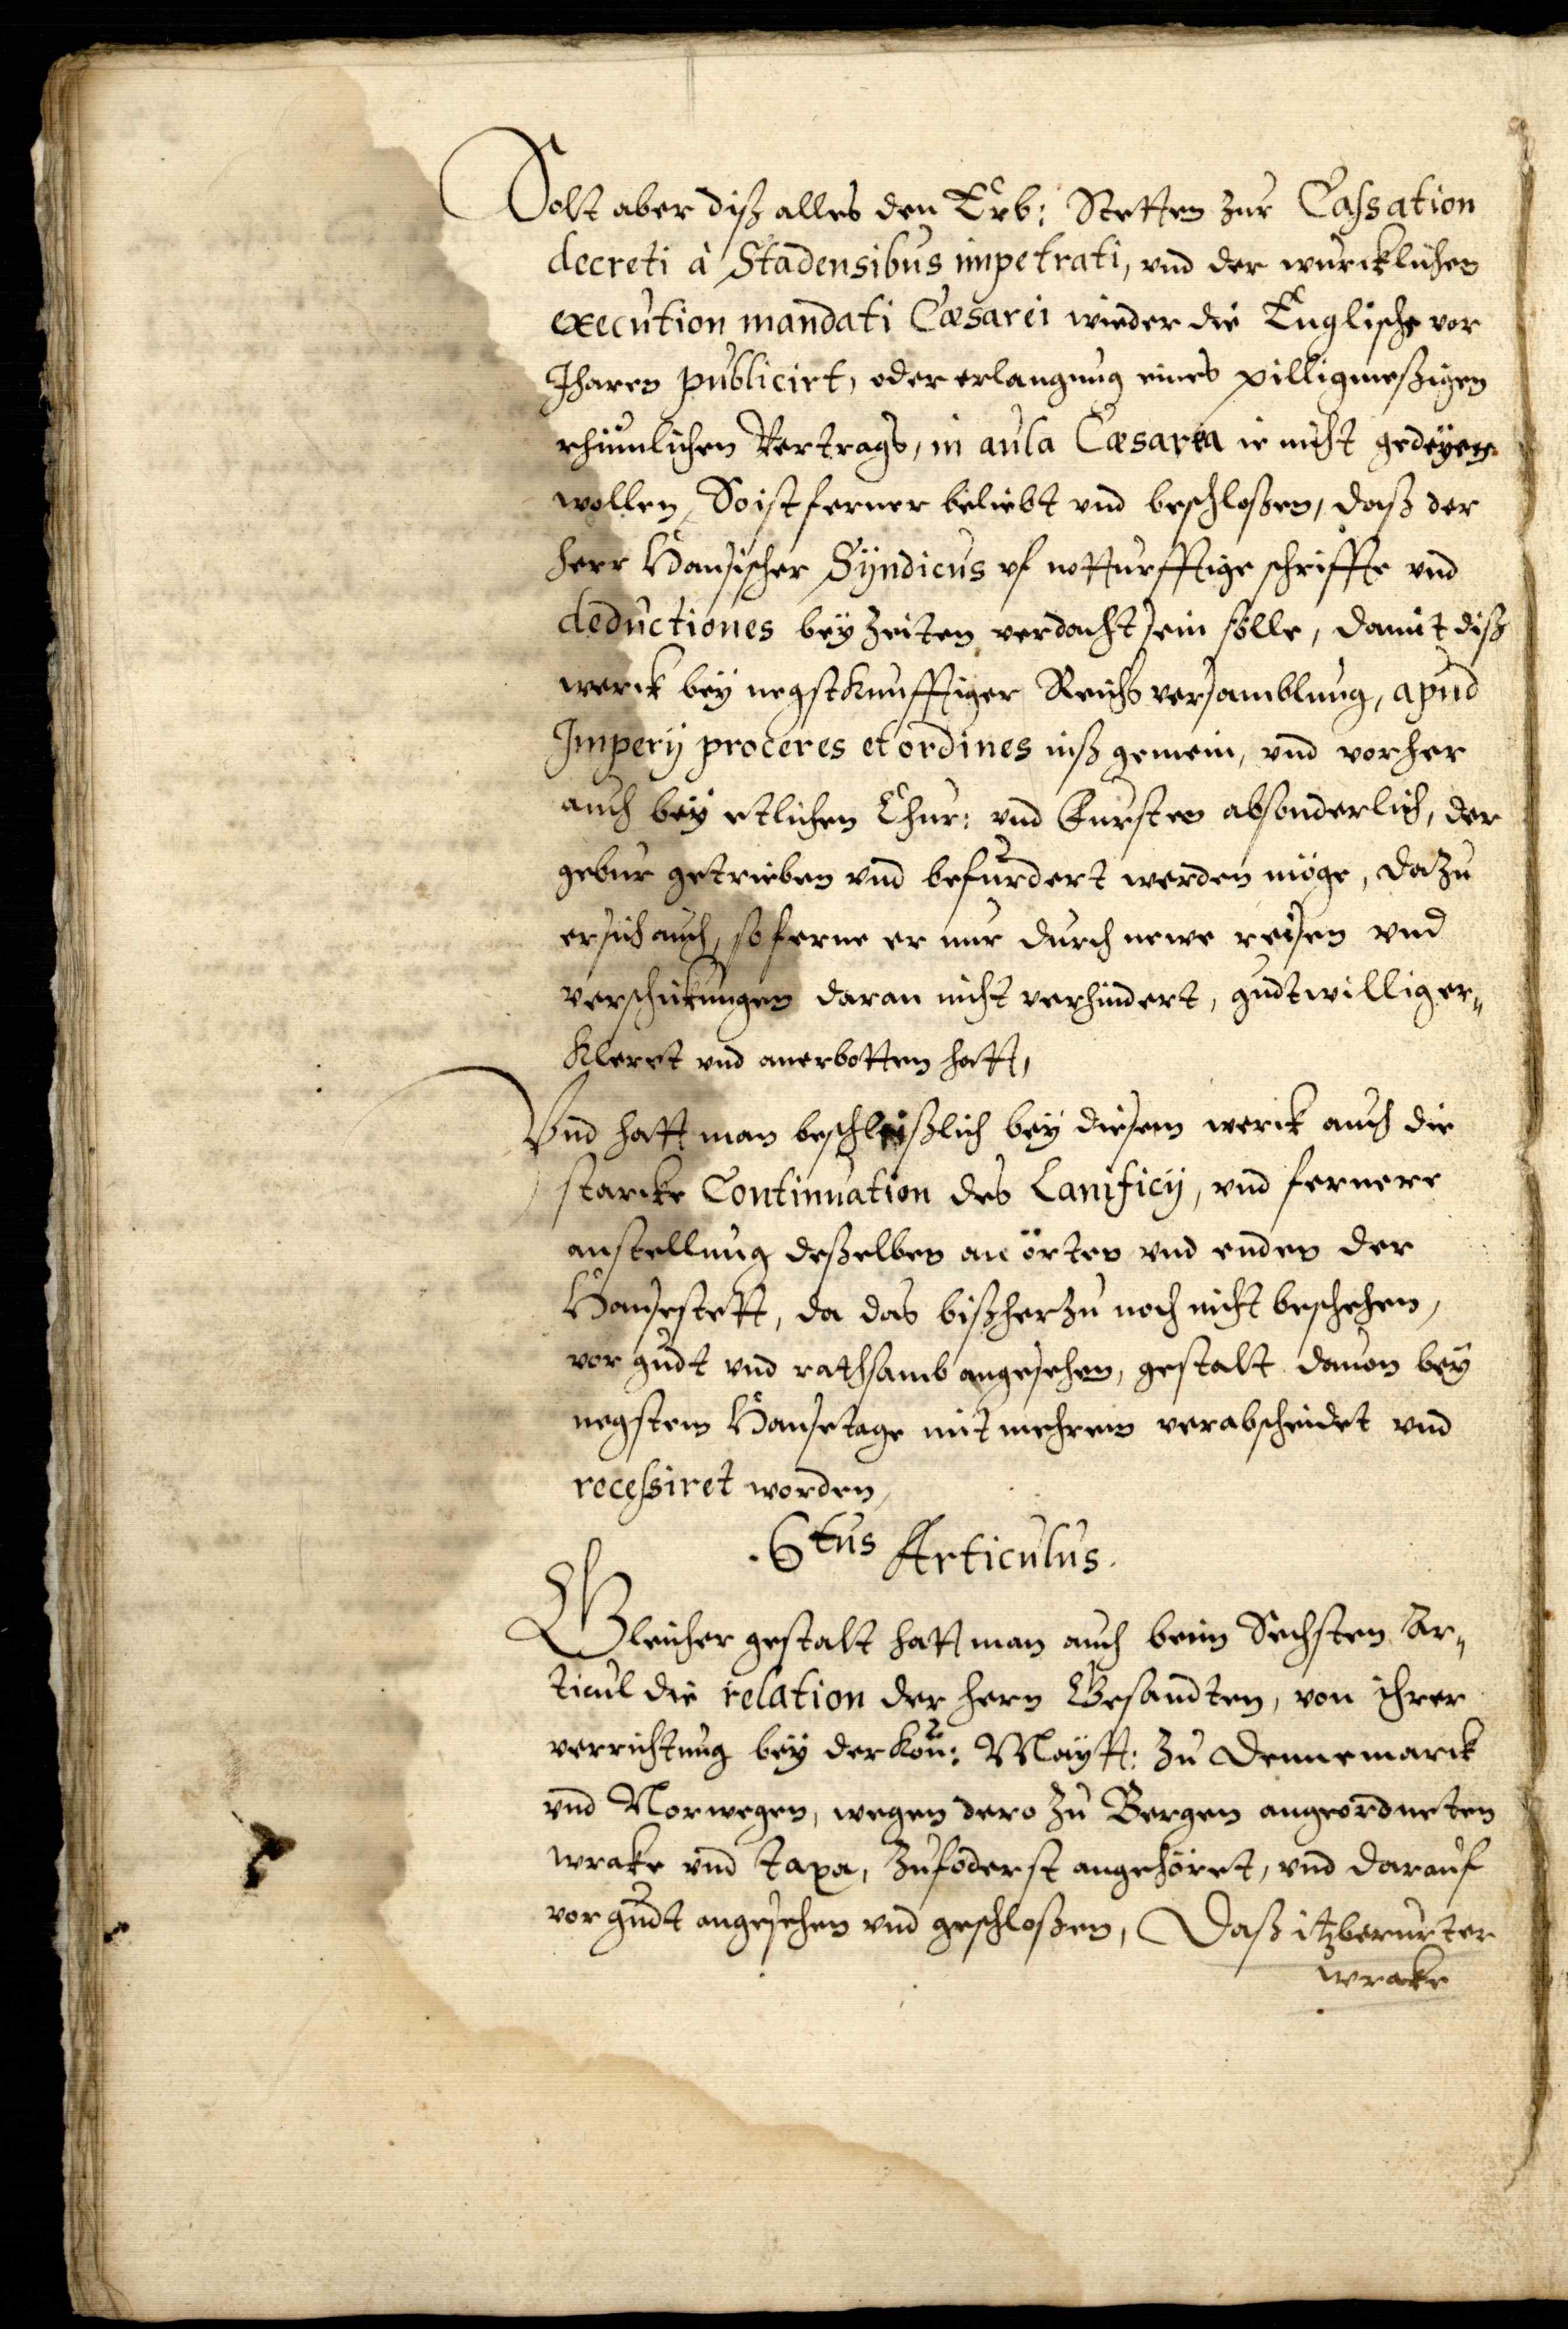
Solt aber dies alles den Erb: Stetten zur Cassation
decreti à Stadensibus impetrati, vnd der wurcklichen
execution mandati casarei wieder die Englische vor
Jharen publicirt, oder erlangung eines pilligmeßigen
rhümlichen Vertrags, in aula Casarei ir nicht gedreijen
wollen, so ist ferner beliebt vnd beschloßen, daß der
herr Hansischer Sijndicus vf notturfftige schriffte vnd
deductiones beijzeiten verdacht sein sölle, damit diß
werck beij negstkunfftiger Reichsversamblung, apud
Imperij proceres et ordines inßgemein, vnd vorher
auch beij etlichen Chur: vnd Fursten absonderlich, der
gebur getrieben vnd befurdert werden möge, dazu
er sich auch, so ferne er nur durch newe vnd
verschickungen daran nicht verhindert, gudtwilliger¬
kleret vnd anerbotten hatt,
Vnd hatt man beschleißlich beij diesem werck auch die
starcke continuation des Canificeij, vnd fernerer
anstellung deßselben an örten vnd enden der
Hansestett, da das bißherzu noch nicht beschehen,
vor gudt vnd rathsamb angesehen, gestalt dauon beij
negstem Hansetage mit mehrem verabschiedet vnd
recessirt worden,
6tus Articulus.
Gleicher gestalt hatt man auch beim Sechsten Ar¬
ticul die relation der hern Gesandten, von ihrer
verrichtung beij der kön: Maijtt: zu Dennemarck
vnd Norwegen wegen dero zu Bergen angeordneten
wrake vnd taxa, zuforderst angehöret, vnd darauf
vor gudt angesehen vnd geschloßen, daß itzberurter
wrake
